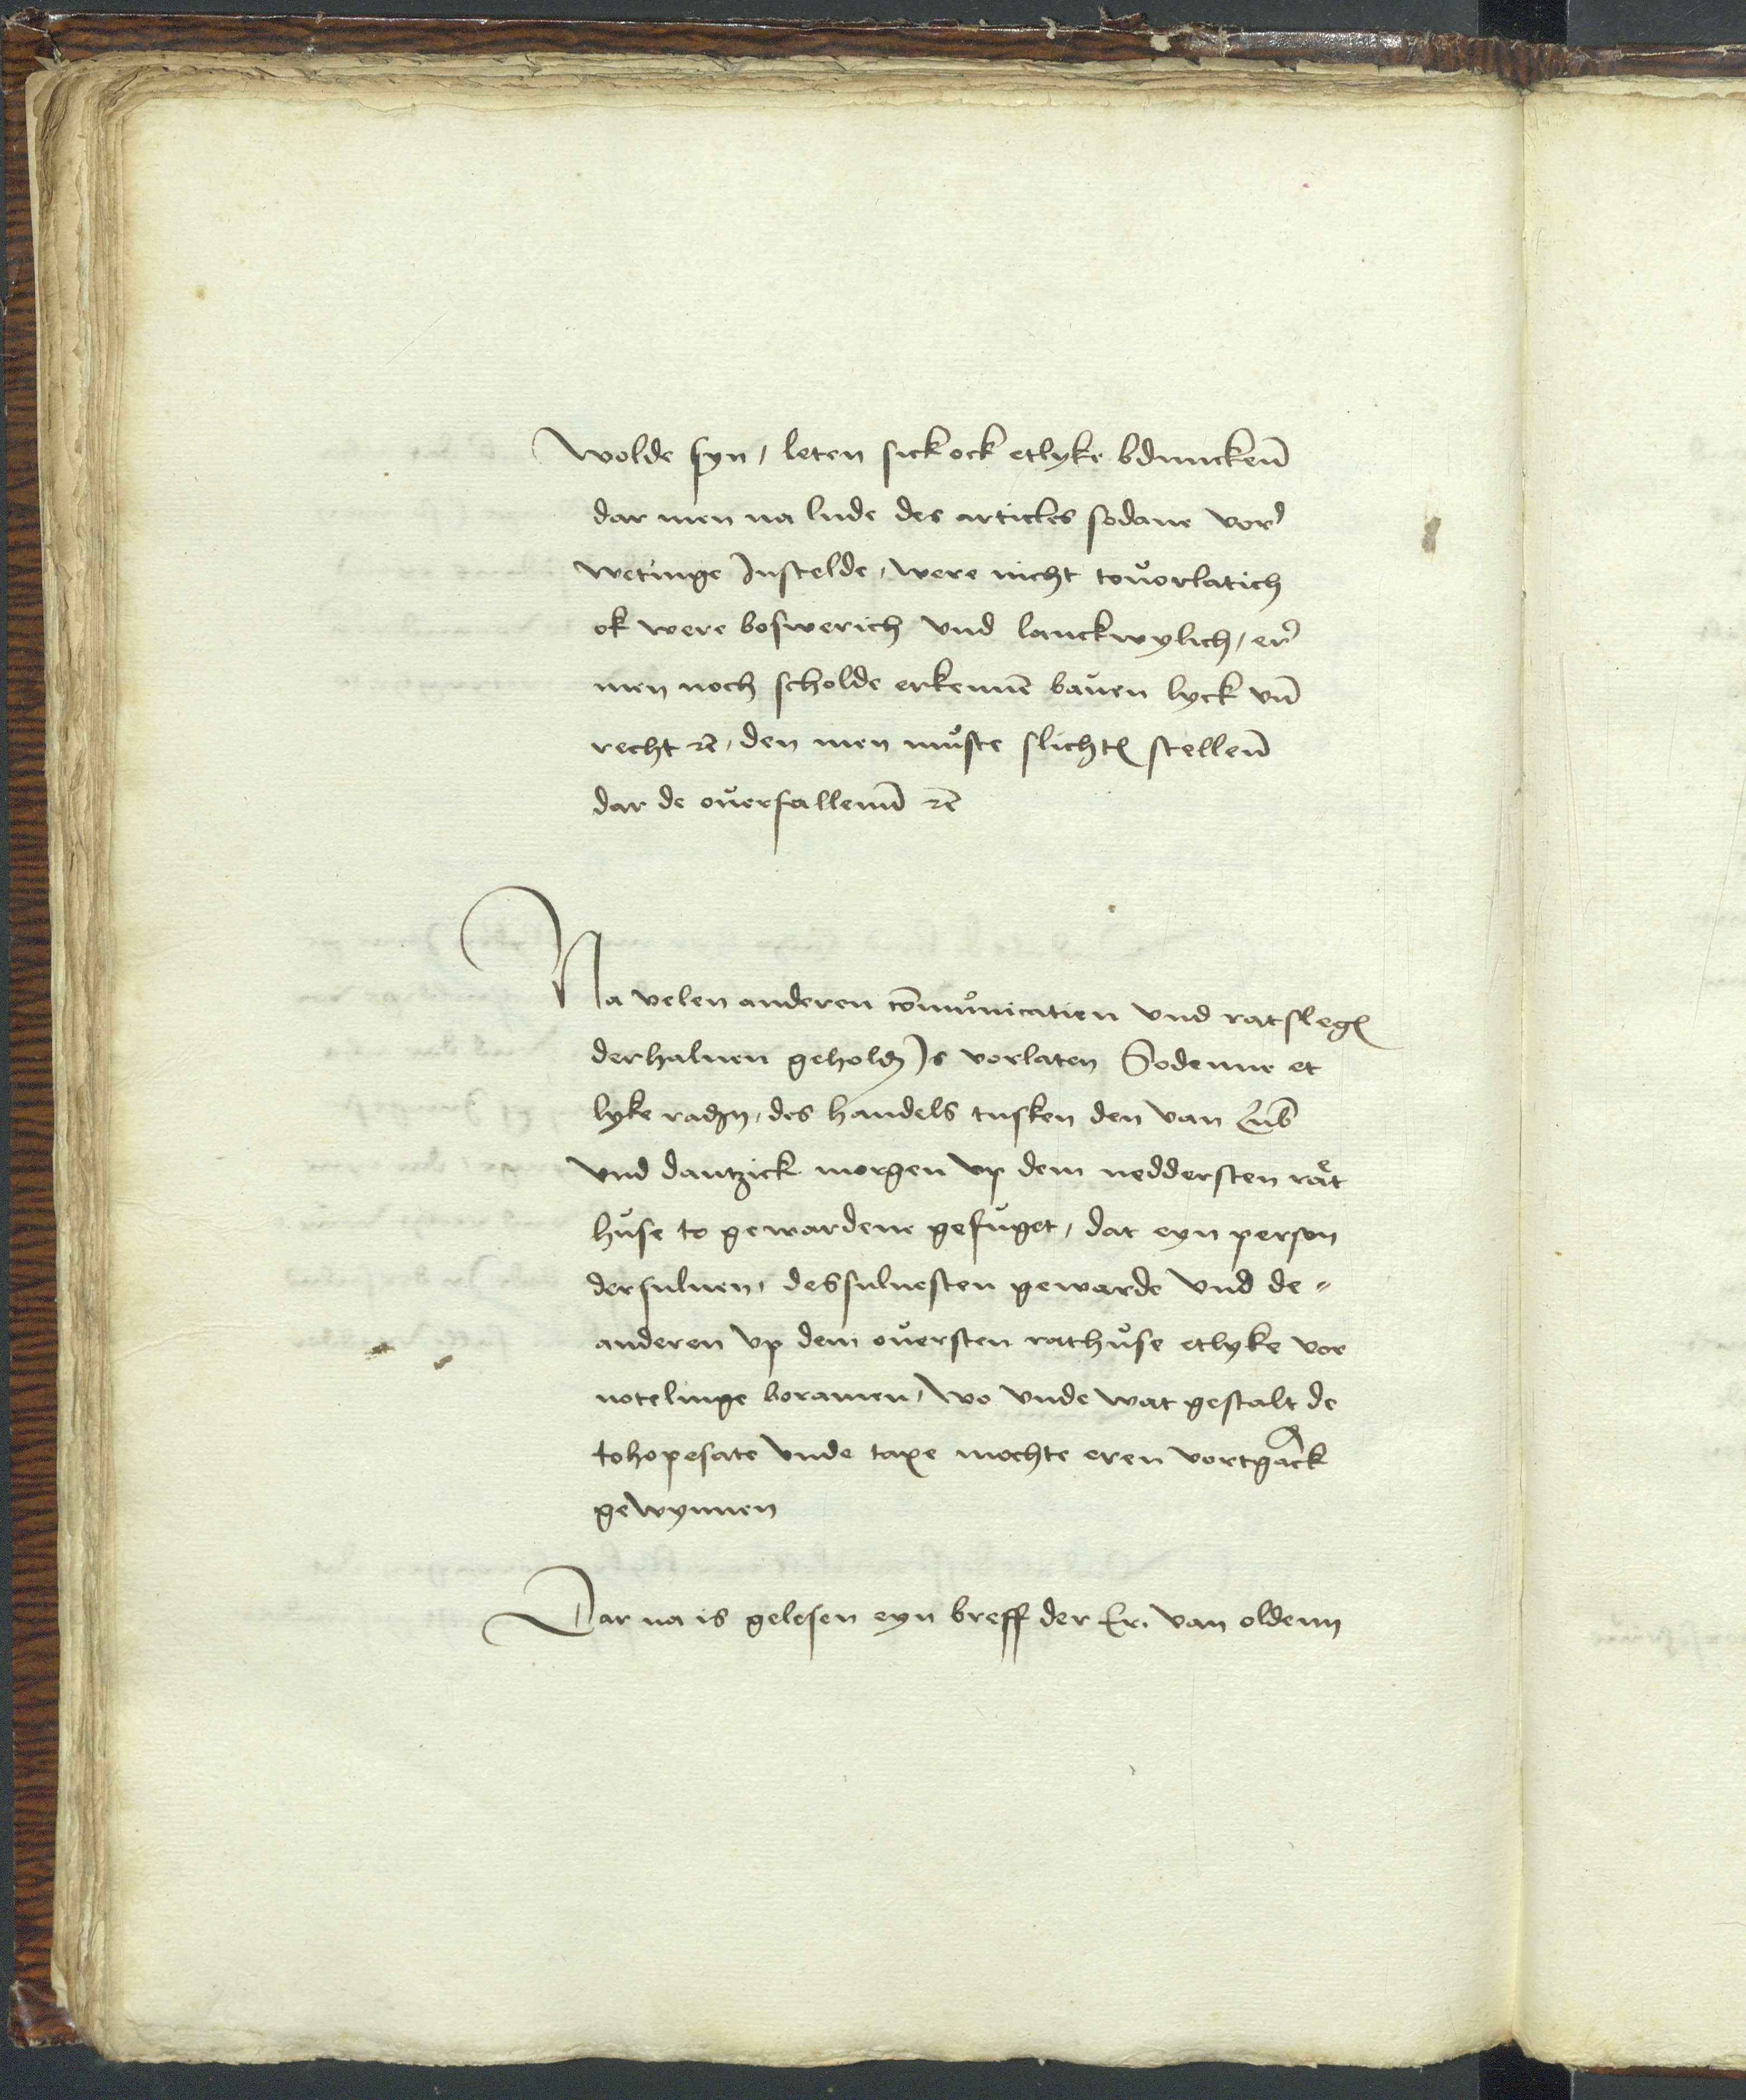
wolde syn, leten sick ock etlyke bdencken
dar men na lude des artikels sodane vor¬
wetinge Jnstelde, were nicht zouorlatich
ok were boswerich vnd lanckwylich, er
men noch scholde erkennen bauen lyck vnd
recht etc, den men muste slichtes stellenn
dar de ouerfallenn etc
Na velen anderen communicatien vnd ratslegen
derhaluen geholden Js vorlaten Sodenne et¬
lyke radessendebaden, des handels tusken den van Lubeck
vnd dantzick morgen vp dem neddersten rat¬
huse to gewardene gefuget, dat eyn person
dersuluen, desuluesten gewarde vnd de
anderen vp dem ouersten rathuse etlyke vor¬
notelinge boramen, wo vnde wat gestalt de
tohopesate vnde taxe mochte eren vortganck
gewynnen
Dar na is gelesen eyn breff der Er. van oldenn
